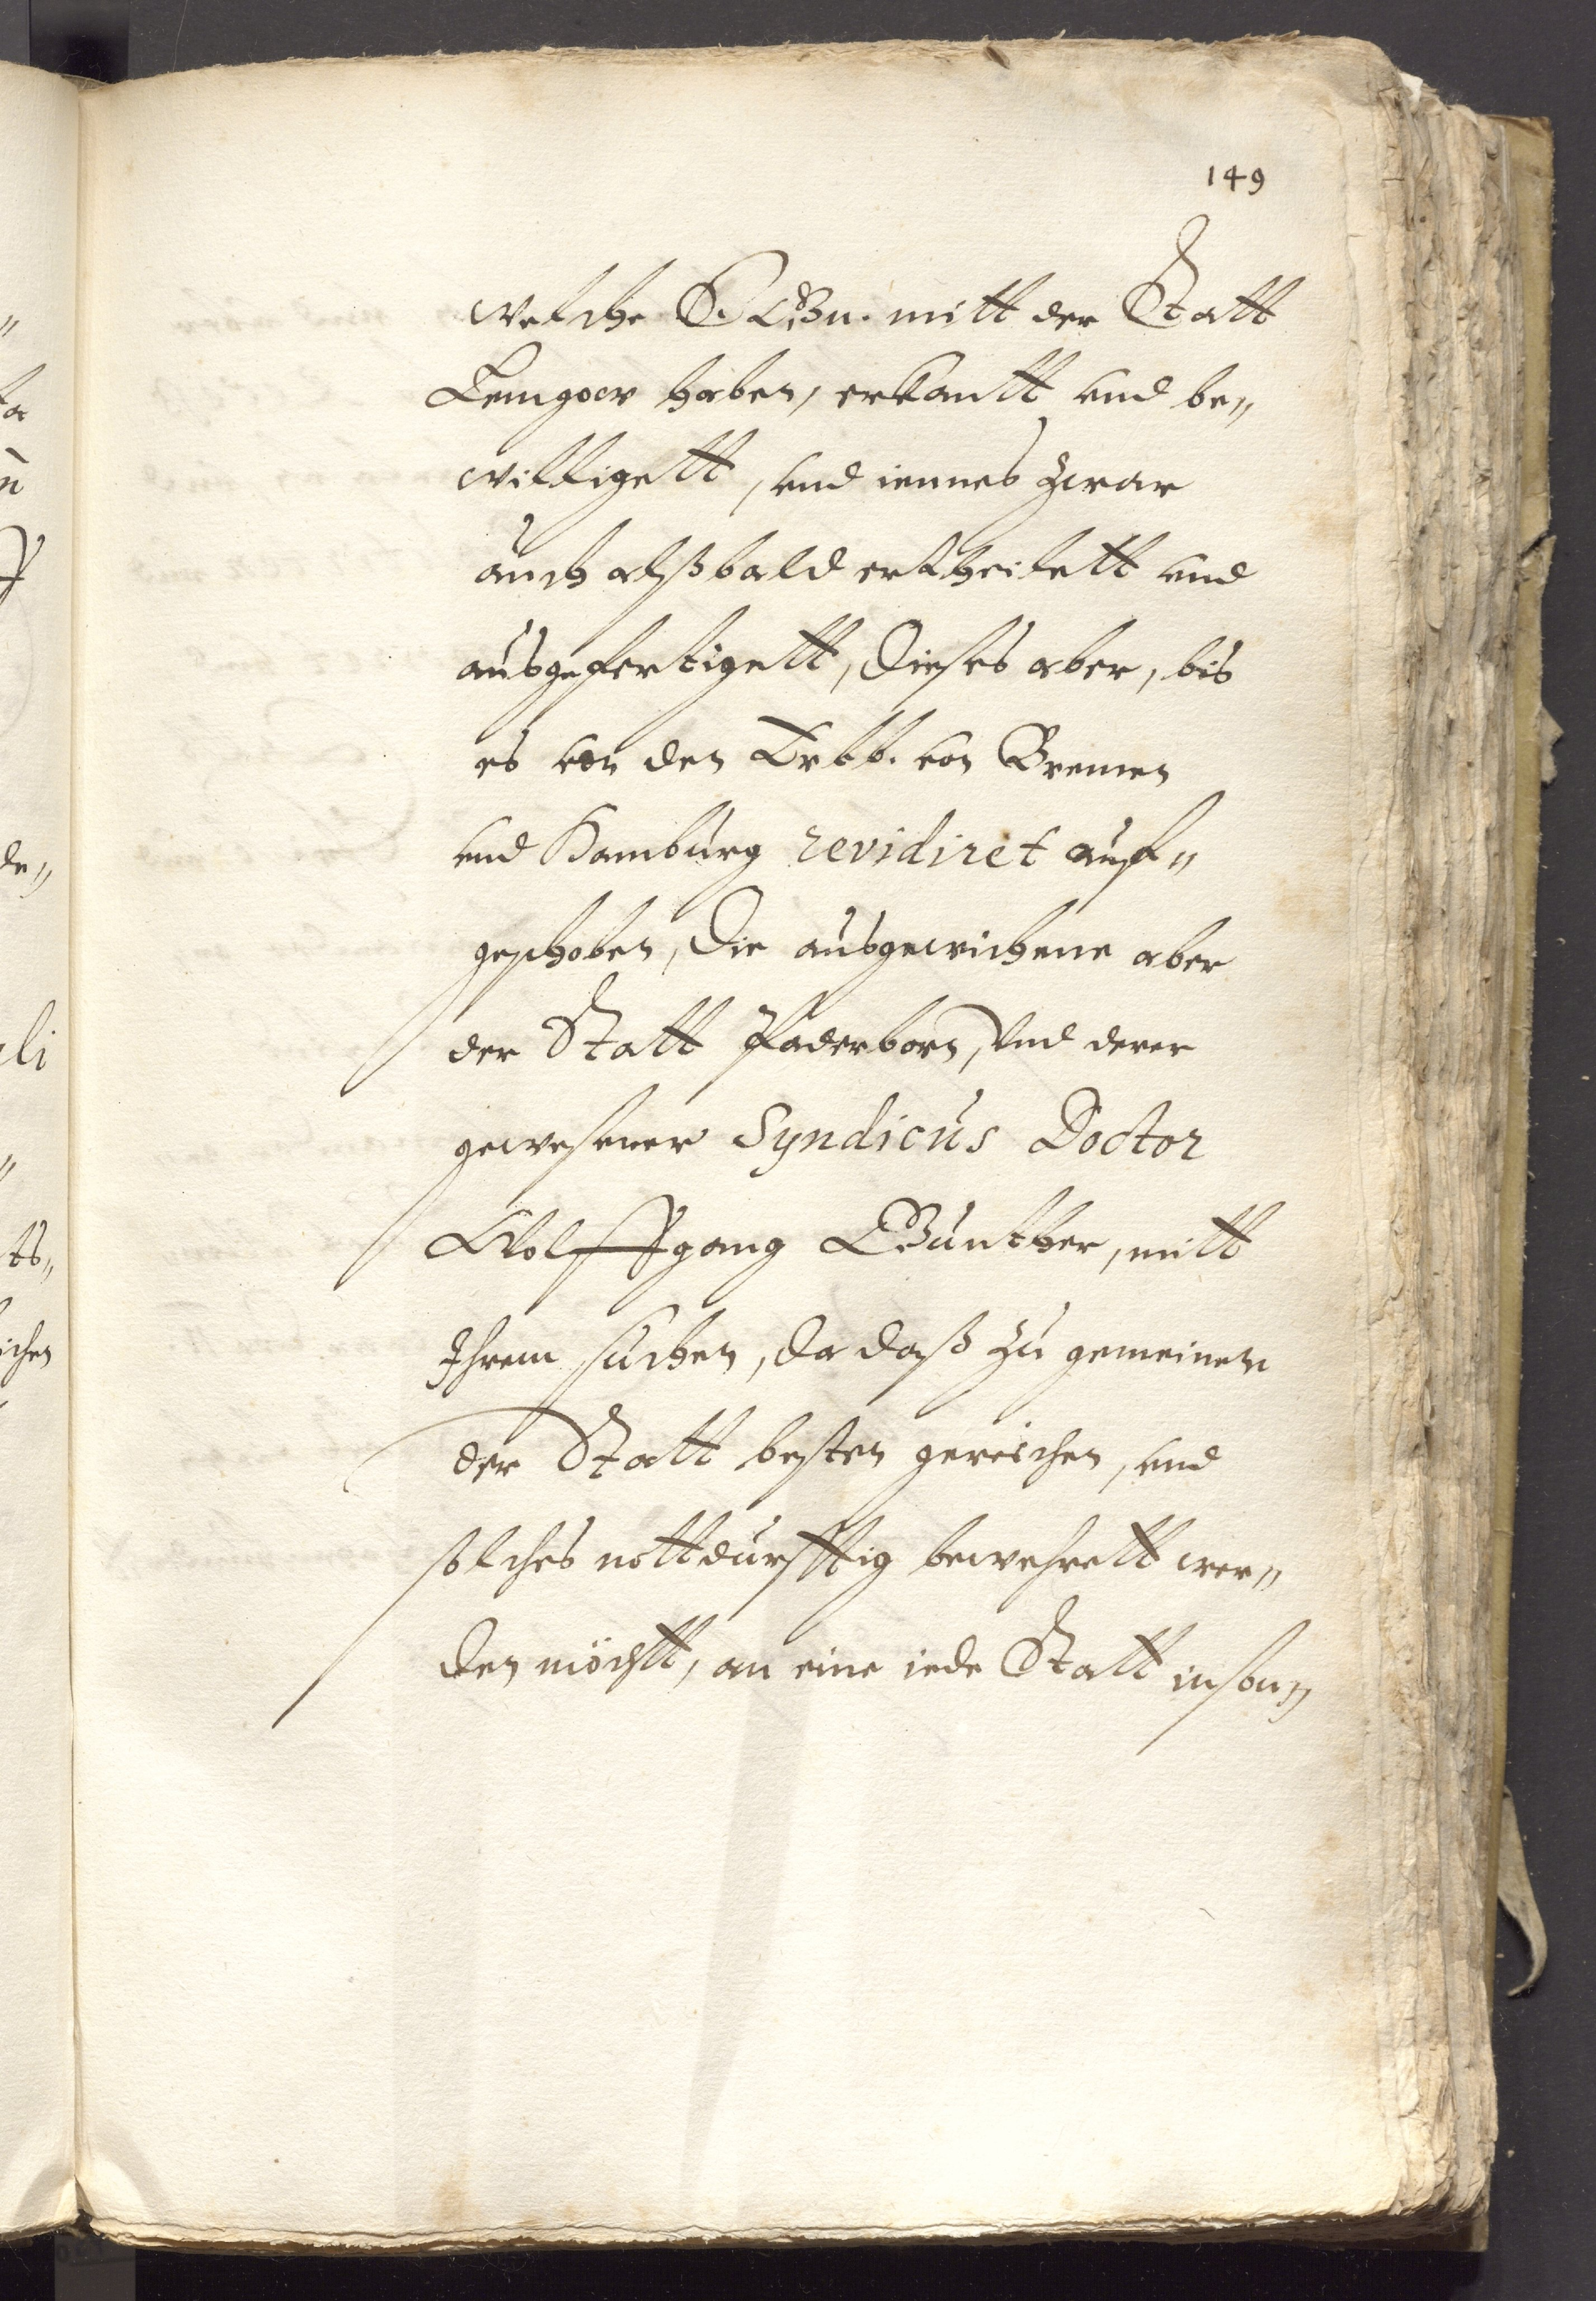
149
welche S. Gn. mitt der Statt
Lemgow haben, erkannt vnd be¬
willigett, vnd iennes zwar
auch alßbald ertheilett vnd
ausgefertigett, dieses aber, bis
es von den Erbb. von Bremen
vnd Hamburg revidiret auf¬
geschoben, die ausgewichene aber
der Statt Paderborn, vnd derer
gewesener Syndicus Doctor
Wolffgang Gunther, mitt
Ihrem suchen, da daß zu gemeinete
der Statt besten gereichen, vnd
solches nottdurftig bewehrett wer¬
den möchtt, an eine iede Statt inson¬
